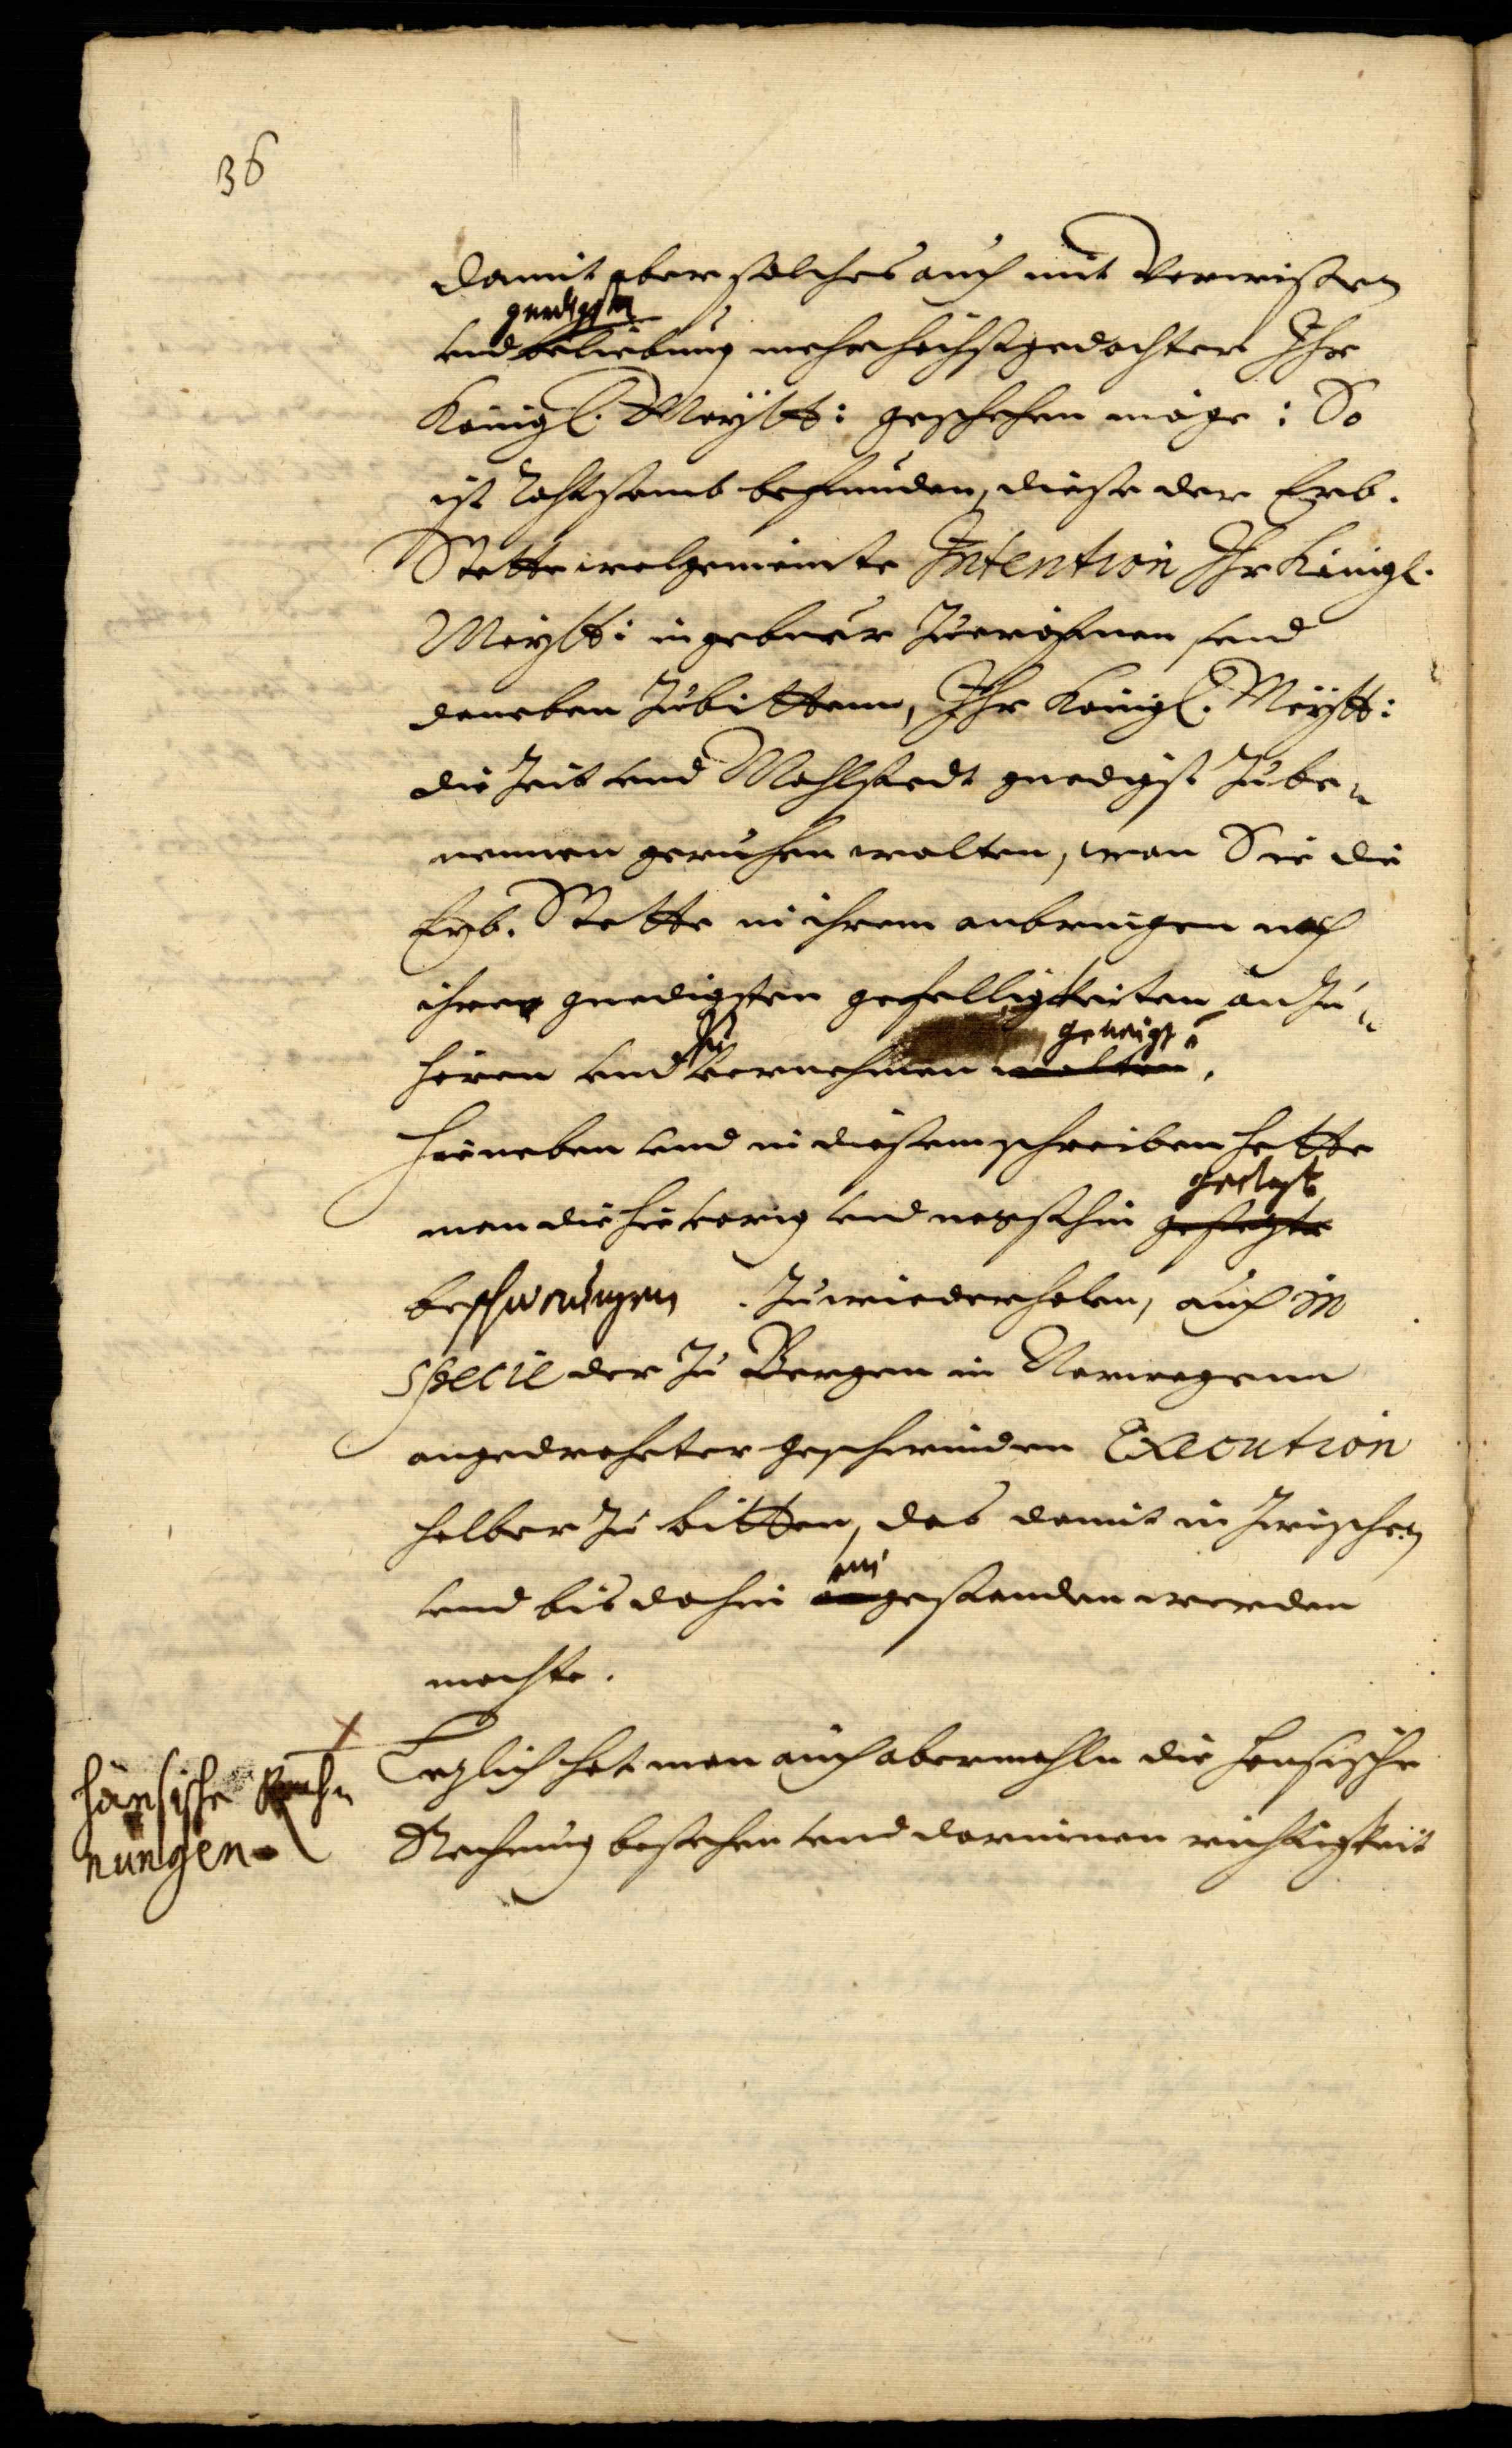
36
damit aber solches auch mit Vorwißen
gnedigsten
vnd beliebung mehrhöchstgedachter Ihr
Königl. Maijtt: geschehen möge: So
ist Rahtsamb befunden, diese der Erb.
Stette wolgemeinte Intention Ihr Königl.
Maijtt: in gebuer zueröfnen, vnd
daneben zubittenn, Ihr Königl. Maijtt:
die Zeit vnd Wohlstedt genedigst zube¬
nennen geruhen wolten, wan Sie die
Erb. Stette in ihrem anbringen noch
ihren gnedigsten gefelligkeiten anzu¬
geneigt
hören vnd zuvernehmen melten,
hieneben vnd in diesem schreiben hette
geclagte
man die hievorig vnd negsthin gesegte
beschwerungen zuwiederholen, auch in
specie der zu Bergen in Norwegenn
angedroheter geschwinden Execution
halber zu bitten, das damit in zwischen
ein
vnd bis dahin gestanden werden
mochte.
Hänsische Rech¬
nungen.
Letzlich hat man auch abermahln die Hensische
Rechnung besehen vnd darinnen richtigkeit
